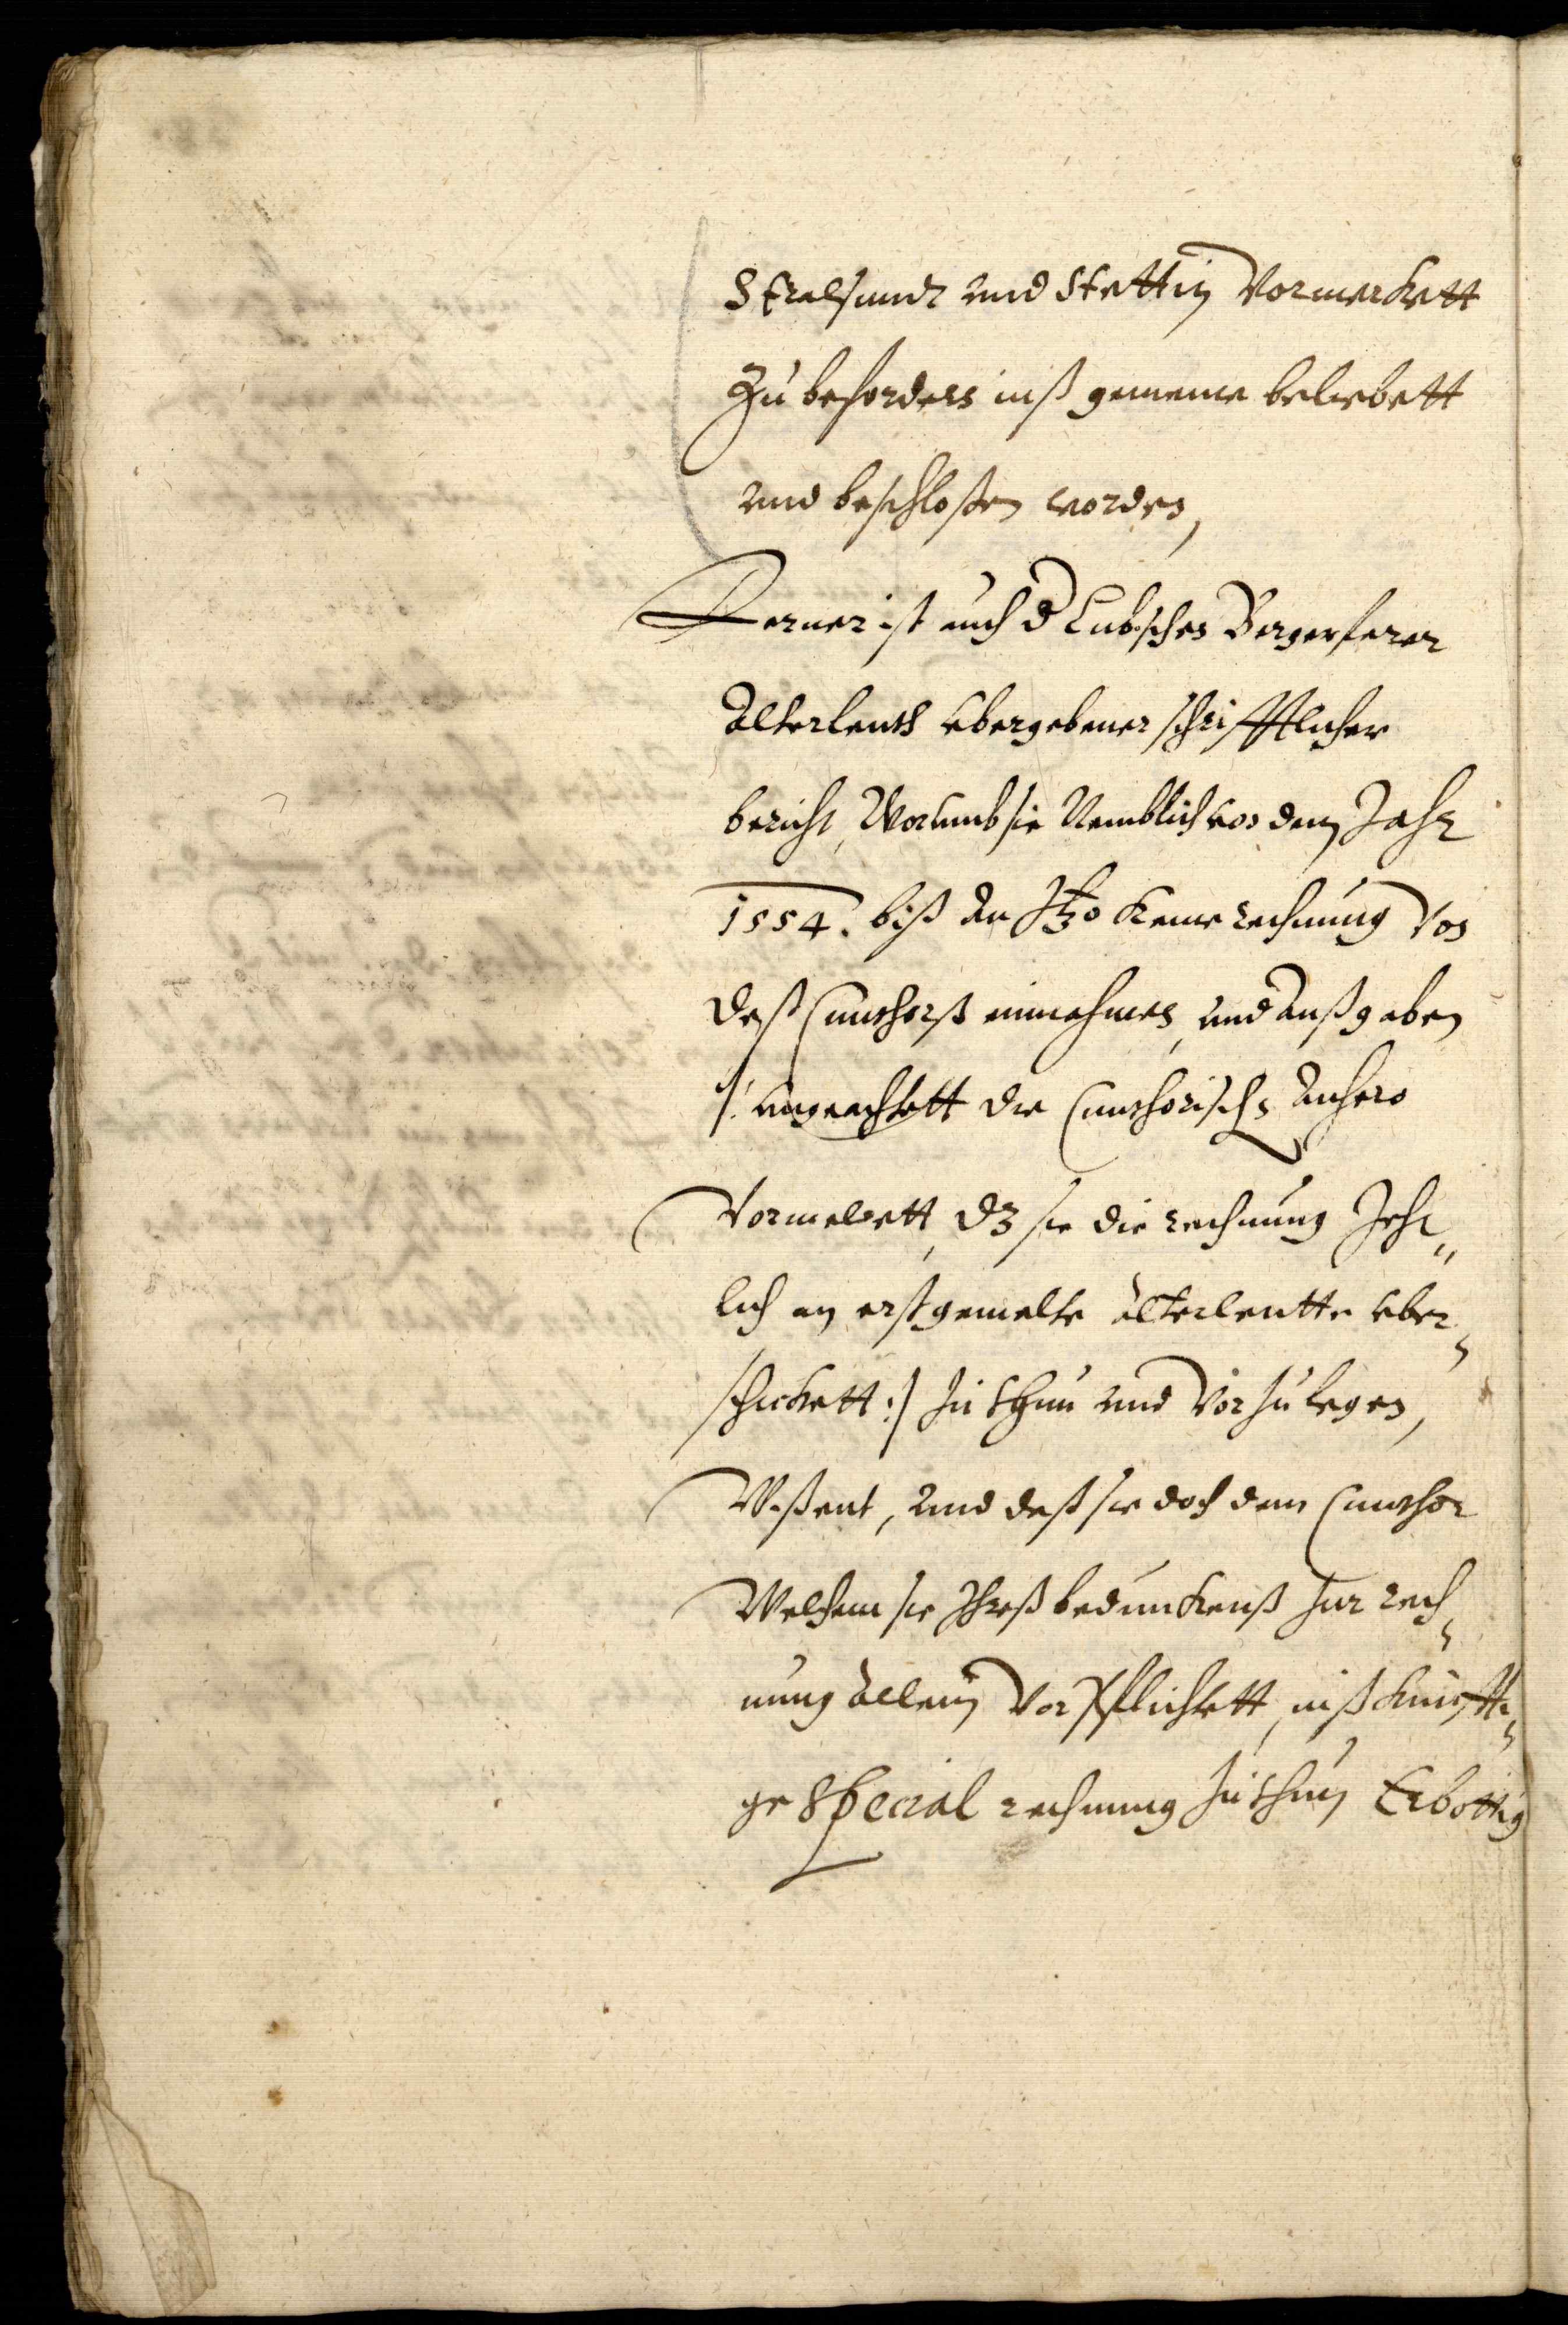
Stralsundt vnd Stettin vormerkett
zu befordern inßgenommen beliebett
vnd beschloßen worden,
???? ist auch der Lubischen Bergenfarer
Alterleuth vbergebener schrifftlicher
bericht, Warumb die Nemblich von dem Jahr
1554. biß An Itzo keine rechnung von
des Cunthors einnahmen, vnd Ausgaben
|:ungeachtett der Cunthorischen Anhero
vormeldett, das sie die rechnung Jehr¬
lich an erstgemelte Alterleutte vber¬
schickett:| zu thun vnd vorzulegen,
Wesent, vnd daß sie doch dem Cunthor
Welchem sie Ihreß bedencknuß zur rech¬
nung allen vorpflichtett, inßkunffti¬
ge special rechnung zu thun Erbottig
